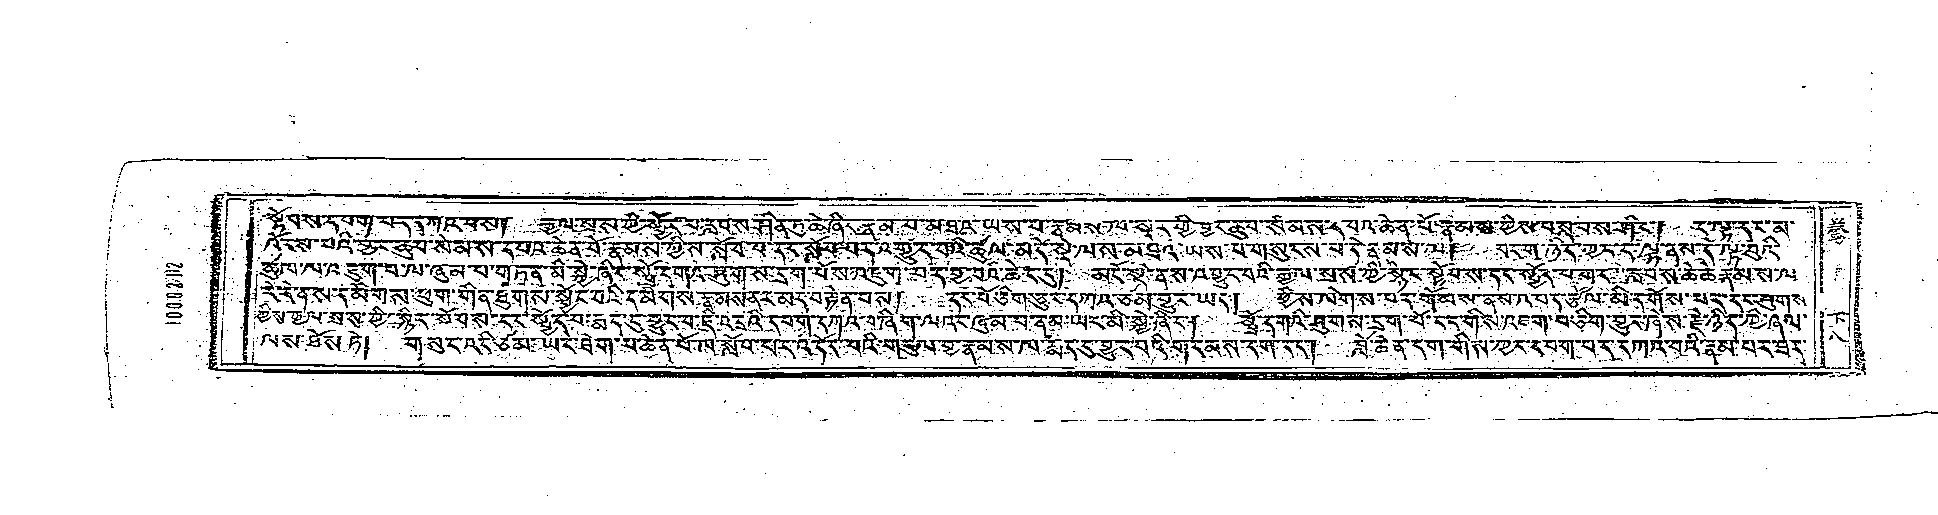སྟོབས་དཔག་བར་དཀའ་བས། རྒྱལ་སྲས་ཀྱི་སྤྱོད་བ་རླབས་ཤིན་ཏུ་ཆེ་ཞིང་རྣམ་པ་མཐའ་ཡས་པ་རྣམས་ལ་སྔར་གྱི་བྱང་ཆུབ་སེམས་དཔའ་ཆེན་པོ་རྣམས་ཀྱིས་བསླབས་ཤིང་། ད་ལྟ་དང་མ་
འོངས་པའི་བྱང་ཆུབ་སེམས་དཔའ་ཆེན་པོ་རྣམས་ཀྱིས་སློབ་པ་དང་སློབ་བར་འགྱུར་བའི་ཚུལ་མདོ་སྡེ་ལས་མཐའ་ཡས་པ་གསུངས་པ་དེ་རྣམས་ལ། བདག་ཉིད་ཀྱང་ད་ལྟ་ནས་དེ་ལྟ་བུའི་
ཚུལ་ལ་འཇུག་པ་ལ་ཞུམ་པ་གཏན་མི་སྐྱེ་ཞིང་སྤྲོ་དགའ་ཤུགས་དྲག་པོས་འཇུག་པར་བྱ་བའི་ཆེད་དུ། མདོ་སྡེ་ནས་འབྱུང་བའི་རྒྱལ་སྲས་ཀྱི་སྙིང་སྟོབས་དང་སྤྱོད་པ་གང་རླབས་ཆེ་ཆེ་རྣམས་ལ་
རེ་རེ་ནས་དམིགས་ཕུག་གིན་ཐུགས་སྤྱོད་བའི་དམིགས་རྣམས་ནང་མར་བརྟེན་བས། དང་པོ་ཅིག་ཅུང་དཀའ་ཙམ་བྱུང་ཡང་། གྱིས་ལེགས་པར་གོམས་ནས་འབད་རྩོལ་མི་དགོས་པར་རང་ཤུགས་
ཀྱིས་རྒྱལ་སྲས་ཀྱི་སྙིང་སྟོབས་དང་སྤྱོད་པ་རྨད་དུ་བྱུང་བ་ཇི་འདྲའི་དཔག་དཀའ་བཞིག་ལའང་ཞུམ་པ་ནམ་ཡང་མི་སྐྱེ་ཞིང་། སྤྲོ་དགའི་ཤུགས་དྲག་པོ་རང་གིས་འཇག་བ་ཅིག་བྱུང་ཞེས་རྗེ་ཉིད་ཀྱི་ཞལ་
ལས་ཐོས་ཏེ། གསུང་འདི་ཙམ་ཡང་ཐེག་པ་ཆེན་པོ་ལ་སློབ་པར་འདོད་པའི་གདུལ་བྱ་རྣམས་ལ་རྨད་དུ་བྱུང་བའི་གདམས་ངག་དང་། བློ་ཆེན་དག་གིས་ཀྱང་དཔག་པར་དཀའ་བའི་རྣམ་པར་ཐར་